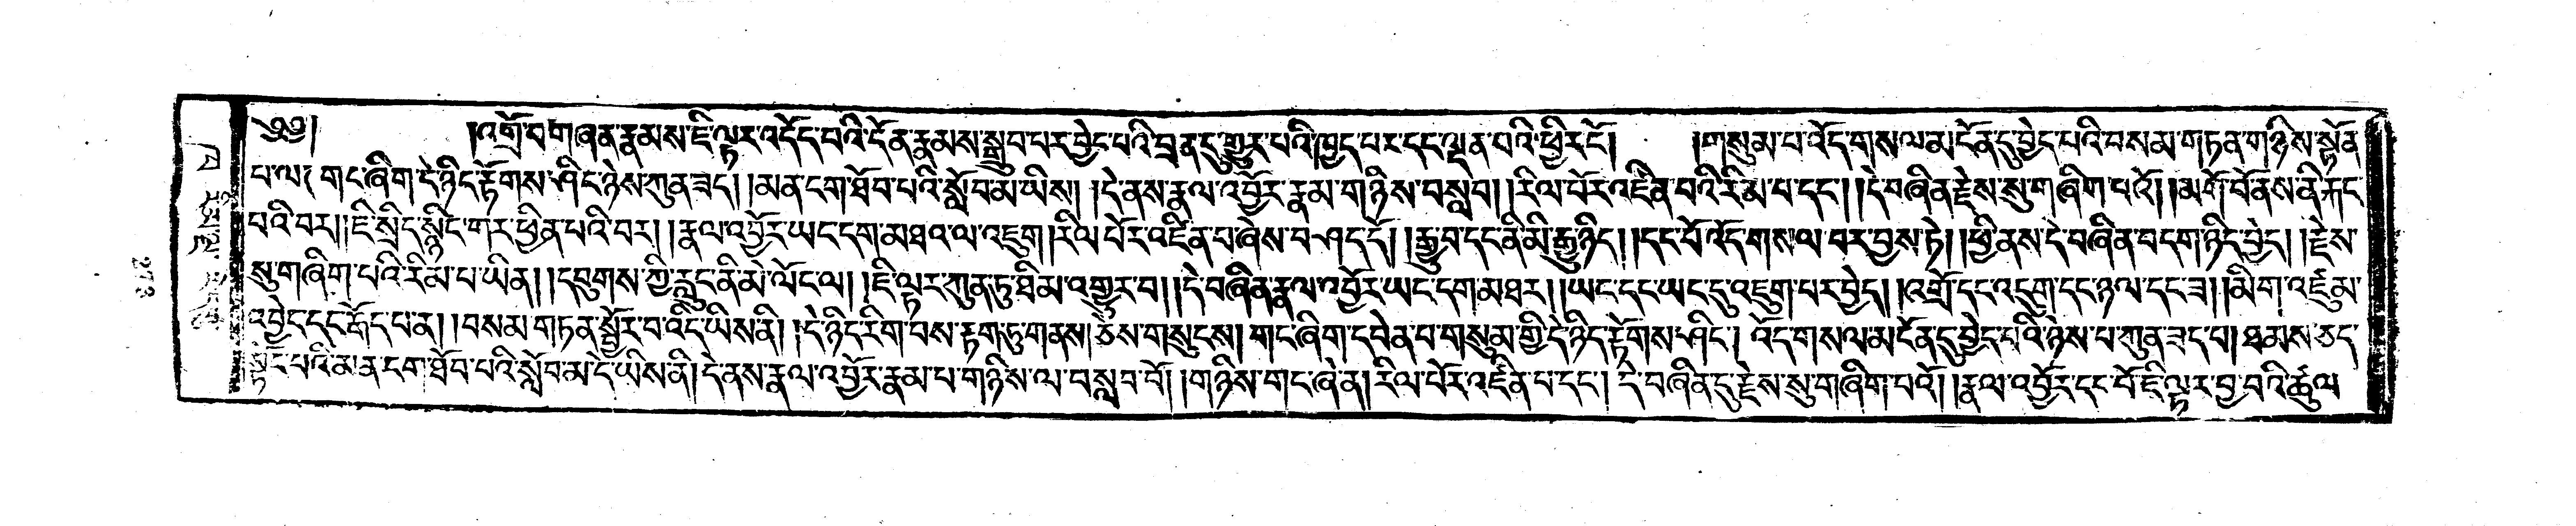༄༅། །འགྲོ་བ་གཞན་རྣམས་ཇི་ལྟར་འདོད་པའི་དོན་རྣམས་སྒྲུབ་པར་བྱེད་པའི་བྲན་དུ་གྱུར་པའི་ཁྱད་པར་དང་ལྡན་པའི་ཕྱིར་རོ། །གསུམ་པ་འོད་གསལ་མངོན་དུ་བྱེད་པའི་བསམ་གཏན་གཉིས་སྟོན་
པ་ལ། གང་ཞིག་དེ་ཉིད་རྟོགས་ཤིང་ཉེས་ཀུན་ཟད། །མན་ངག་ཐོབ་པའི་སློབ་མ་ཡིས། །དེ་ནས་རྣལ་འབྱོར་རྣམ་གཉིས་བསླབ། །རིལ་པོར་འཛིན་པའི་རིམ་པ་དང་། །དེ་བཞིན་རྗེས་སུ་གཞིག་པའོ། །མགོ་བོ་ནས་ནི་རྐང་
པའི་བར། །ཇི་སྲིད་སྙིང་གར་ཕྱིན་པའི་བར། །རྣལ་འབྱོར་ཡང་དག་མཐའ་ལ་འཇུག །རིལ་པོར་འཛིན་པ་ཞེས་བཤད་དོ། །རྒྱུ་བ་དང་ནི་མི་རྒྱུ་ཉིད། །དང་པོ་འོད་གསལ་བར་བྱས་ཏེ། །ཕྱི་ནས་དེ་བཞིན་བདག་ཉིད་བྱེད། །རྗེས་
སུ་གཞིག་པའི་རིམ་པ་ཡིན། །དབུགས་ཀྱི་རླུང་ནི་མེ་ལོང་ལ། །ཇི་ལྟར་ཀུན་ཏུ་ཐིམ་འགྱུར་བ། །དེ་བཞིན་རྣལ་འབྱོར་ཡང་དག་མཐར། །ཡང་དང་ཡང་དུ་འཇུག་པར་བྱེད། །འགྲོ་དང་འདུག་དང་ཉལ་དང་ཟ། །མིག་འཛུམ་
འབྱེད་དང་རྒོད་པ་ན། །བསམ་གཏན་སྦྱོར་བ་འདི་ཡིས་ནི། །དེ་ཉིད་རིག་པས་རྟག་ཏུ་གནས། ཅེས་གསུངས། གང་ཞིག་དབེན་པ་གསུམ་གྱི་དེ་ཉིད་རྟོགས་ཤིང་། འོད་གསལ་མངོན་དུ་བྱེད་པའི་ཉེས་པ་ཀུན་ཟད་པ། ཐམས་ཅད་
སྟོང་པའི་མན་ངག་ཐོབ་པའི་སློབ་མ་དེ་ཡིས་ནི། དེ་ནས་རྣལ་འབྱོར་རྣམ་པ་གཉིས་ལ་བསླབ་བོ། །གཉིས་གང་ཞེ་ན། རིལ་པོར་འཛིན་པ་དང་། དེ་བཞིན་དུ་རྗེས་སུ་གཞིག་པའོ། །རྣལ་འབྱོར་དང་པོ་ཇི་ལྟར་བྱ་བའི་ཚུལ་